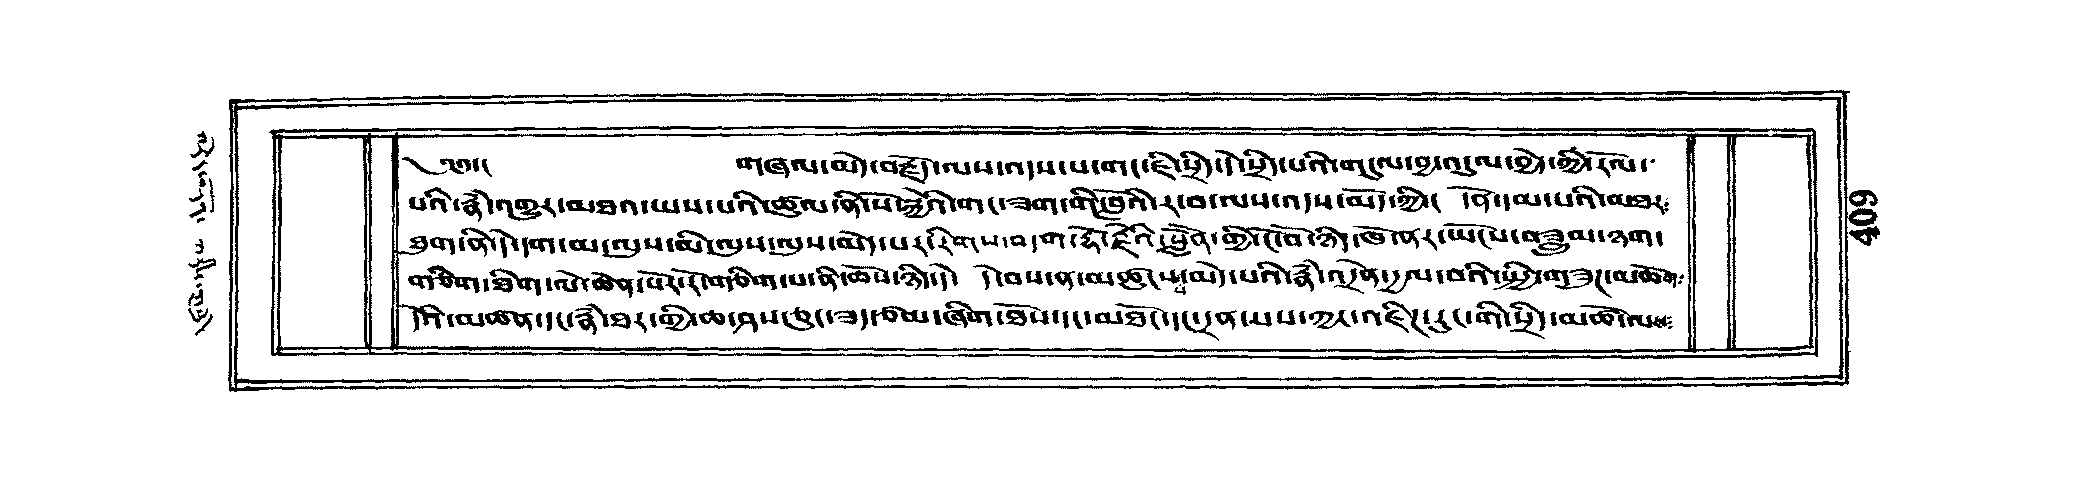གཞལ་མེད་བརྗོད་ལས་འདས་པ་གང་ཇི་སྲིད་དེ་སྲིད་པའི་གདུལ་བྱ་འདུལ་བྱེད་ཀྱི་རོལ་
པའི་རྣམ་འགྱུར་མཐའ་ཡས་པའི་ཚུལ་ནི་སོ་སྐྱེའི་གང་ཟག་གི་བློའི་ར་བ་ལས་འདས་མོད་ཀྱི། དོན་དམ་པའི་མཐར་
ཐུག་ནི་དེ་དག་མ་ལུས་མི་ལུས་ལུས་པ་མེད་པར་རིགས་བདག་རྡོ་རྗེའི་སློབ་དཔོན་གྱི་ངོ་བོ་ཉིད་ཁོ་ནར་ཡོངས་བཟླུམ་ཉག་
གཅིག་ཐིག་ལེ་ཆེན་པོར་རོ་གཅིག་པ་ནི་ཆོས་ཉིད་དེ། དེ་བས་ན་མཚུངས་པ་མེད་པའི་རྣམ་འདྲེན་རྒྱལ་བའི་སྤྱི་གཟུགས་མཆོག་
དེའི་མཚན་དང་རྣམ་ཐར་གྱི་ཆ་ཤས་ཅུང་ཟད་ཙམ་ཞིག་ཐོས་དང་མཐོང་དང་དྲན་པས་ཀྱང་འཇིགས་རུང་གི་སྲིད་མཚོ་ལས་